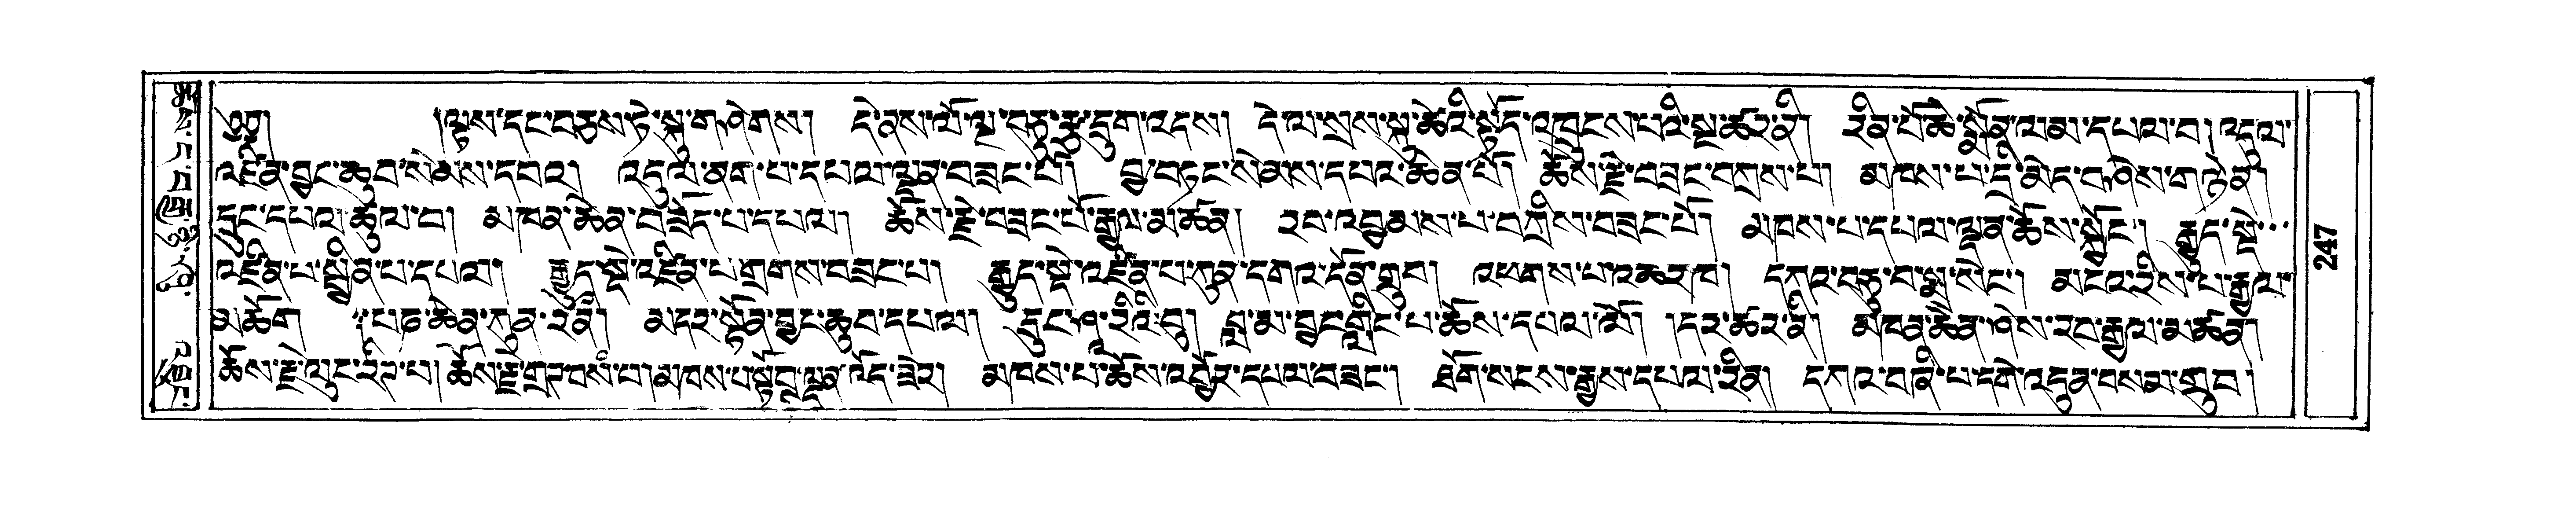༄༅། །ལྟས་དང་བཅས་ཏེ་སྐུ་གཤེགས། དེ་ནས་ལོ་ལྔ་བཅུ་རྩ་དྲུག་འདས། དེ་ལ་སྲས་སྐུ་ཚེའི་སྟོད་འཁྲུངས་པའི་སྔ་ཚར་ནི། རིན་པོ་ཆེ་སྨོན་ལམ་དཔལ་བ། འདུལ་
འཛིན་བྱང་ཆུབ་སེམས་དཔའ། འདུལ་ནག་པ་དཔལ་ལྡན་བཟང་པོ། བྱ་བཏང་སེམས་དཔའ་ཆེན་པོ། ཆོས་རྗེ་བཟང་བཀྲས་པ། མཁས་པ་དྲི་མེད་བཤེས་གཉེན།
དྲུང་དཔལ་ཚུལ་བ། མཁན་ཆེན་བཟོད་པ་དཔལ། ཆོས་རྗེ་བཟང་པོ་རྒྱལ་མཚན། རབ་འབྱམས་པ་བཀྲིས་བཟང་པོ། མཁས་པ་དཔལ་ལྡན་ཆོས་སྐྱོང་། རྒྱུད་སྡེ་
འཛིན་པ་སྦྱིན་པ་དཔལ། རྒྱུད་སྡེ་འཛིན་པ་གྲངས་བཟང་པ། རྒྱུད་སྡེ་འཛིན་པ་ཀུན་དགའ་དོན་གྲུབ། འཕགས་པ་འཆར་ཁ། དཀའ་བཅུ་བ་སྨྲ་སེང་། མངའ་རིས་པ་རྒྱལ་
མཆོག ༑པཎ་ཆེན་ཀུན་རྀན། དམར་སྟོན་བྱང་ཆུབ་དཔལ། དྲུང་ཤཱ་རིའི་བུ། བླ་མ་བྱང་གླིང་པ་ཆོས་དཔལ་ལོ། །དར་ཚར་ནི། མཁན་ཆེན་ཤེས་རབ་རྒྱལ་མཚན།
ཆོས་རྗེ་ལུང་རིཌ་པ། ཆོས་རྗེ་གྲཌ་བསཾ་པ། མཁས་པ་སྟོབས་ལྡན་འོད་ཟེར། མཁས་པ་ཆོས་འབྱོར་དཔལ་བཟང་། ཐོག་སངས་རྒྱས་དཔལ་རིན། དཀའ་བཞི་པ་དགེ་འདུན་བསམ་གྲུབ།